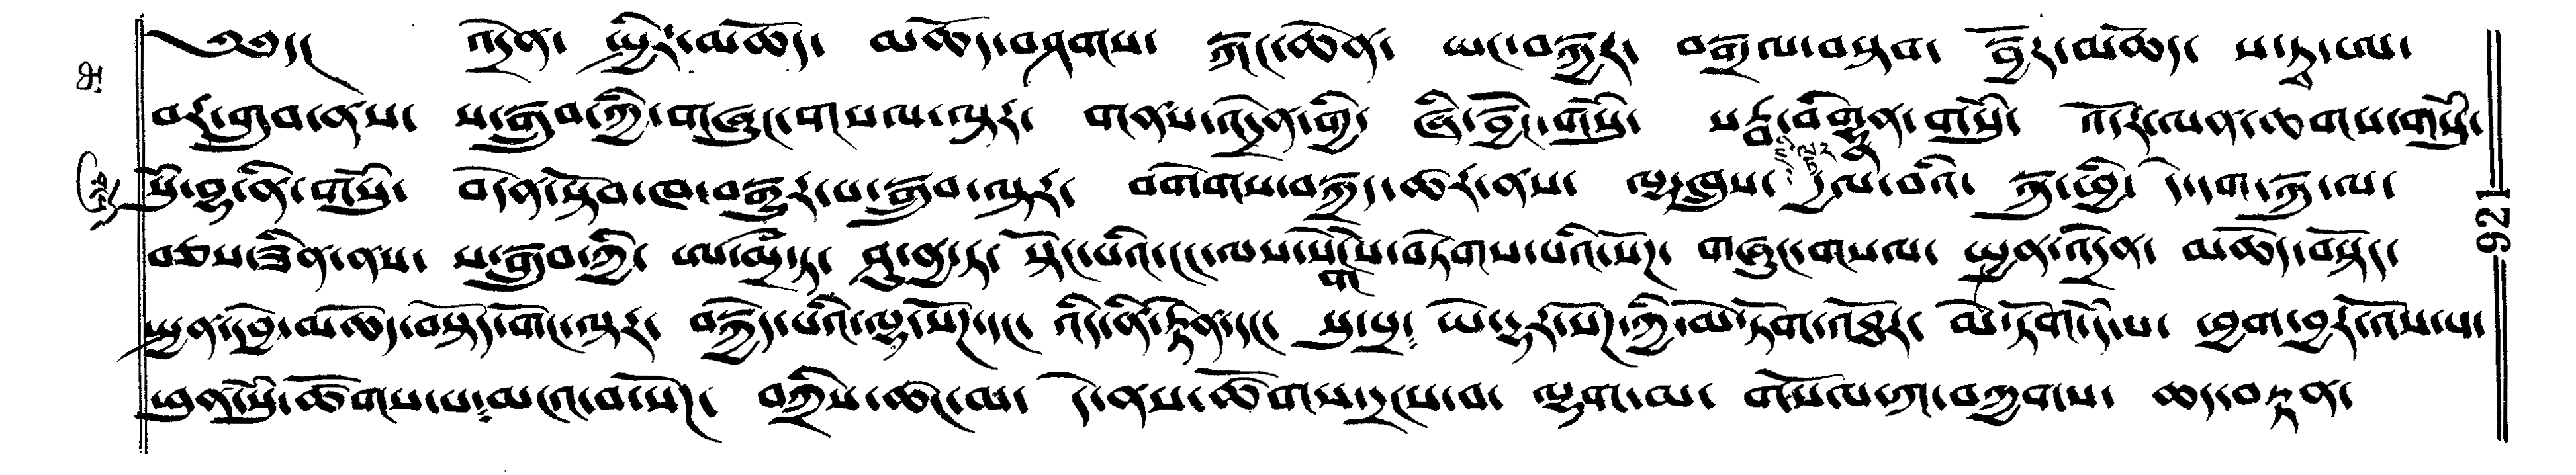འདྲེན། སྤྱིར་མཆོད། མཆོད་བཤགས། སྐང་ཆེན། ཡང་བསྐྱར། བསྒྲལ་བསྟབ། སྦྱོར་མཆོད། ས་ཏྭ་ཨཱཿ
བར་གྲུབ་ནས། ས་སྒྲུབ་ཀྱི་གཞུང་གསལ་ལྟར། གནས་འདྲེན་གྱི། ཞི་སྦྱོང་གསུམ། སརྦ་བིགྷྣན༴ གསུམ། འདོར། ལན་ཆགས་གསུམ། 
སུམ་བྷ་ནི༴ གསུམ། བདེན་སྟོབས་ཁ་བསྒྱུར་པ་སྒྲུབ་ལྟར། བགེགས་བསྐྲད་ཚར་ནས། ལྷ་ཁྲུས། ཇི་ལྟར་རྒྱལ་བའི༴ སྐུ་ཕྱི། དེ་དག་སྐུ་ལ༴ 
བཅས་ཟིན་ནས། ས་སྒྲུབ་ཀྱི། ཨ་མྲྀ་ཏ༴ ཤུ་ནྱ་ཏ༴ སྟོང་པའི་ངང་ལས་སེངྒེས་བཏེགས་པའི༴ སོགས། གཞུང་གསལ། སྤྱན་འདྲེན། མཆོད་བསྟོད། 
སྤྱན་འདྲེན་མཆོད་བསྟོད་གོང་ལྟར། བསྐྱེད་པའི་ལྷ༴ སོགས་དང་། འདིར་ནི་རྟེན་དང༴ སུ་པྲ༴ ཡེ་དྷར༴ སོགས་ཀྱི་མེ་ཏོག་འཐོར། མེ་ཏོག་དམ་པ༴ ཕྱག་བྱར་འོས་པ༴ 
ཕུན་སུམ་ཚོགས་པ་མངའ་བ་སོགས། བཀྲ་ཤིས་ཚང་མ། དེ་ནས་ཚོགས་དྲང་བ། ལྷག་མ། གསོལ་ཀ་བཀྱགས། ཆད་བརྟན།